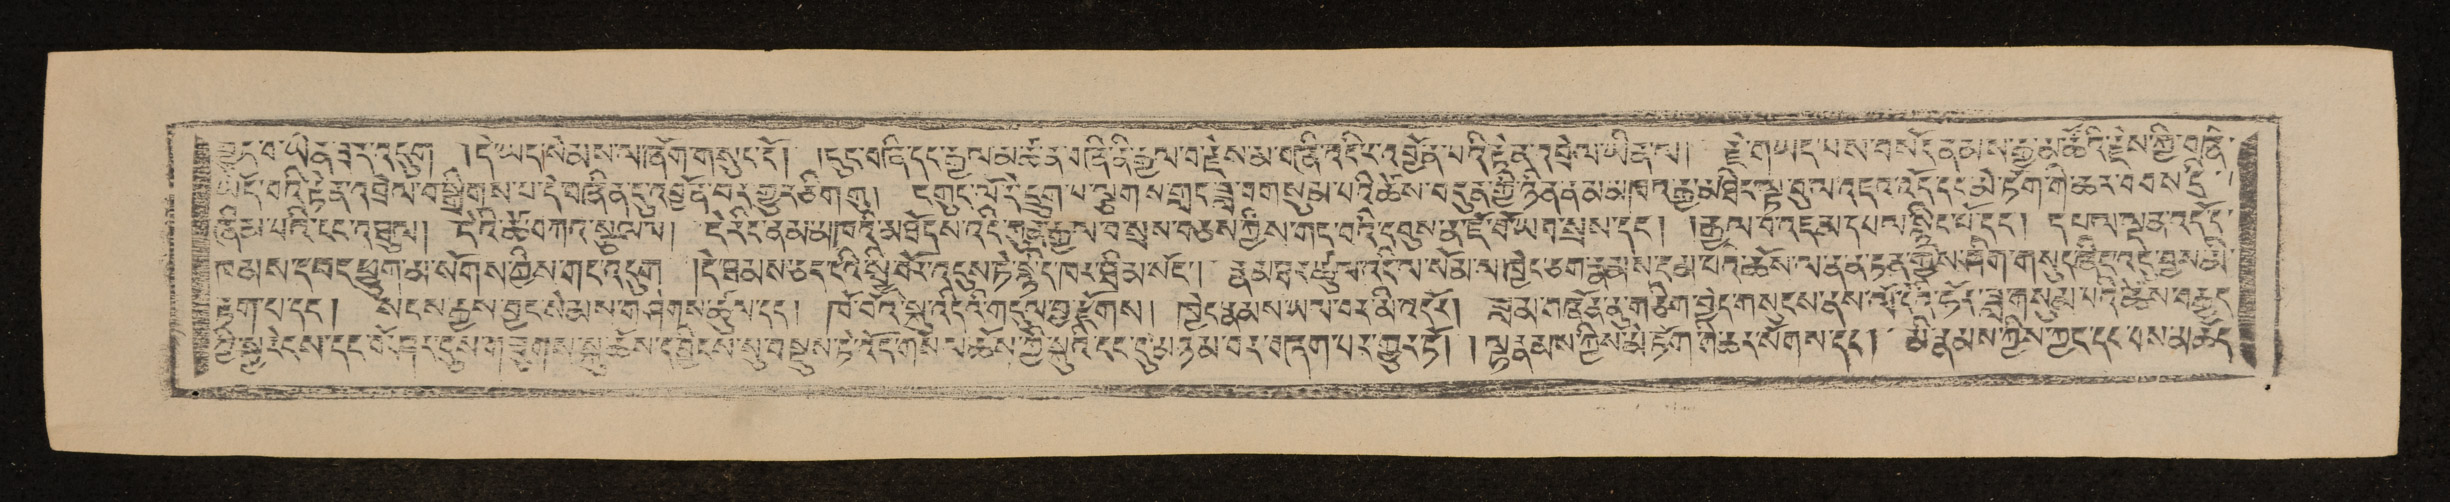བྱུང་བ་ཡིན་ཟེར་འདུག །དེ་ཡང་སེམས་ལ་ཞོག་གསུང་ངོ། །དུང་བཞི་དང་རྒྱལ་མཚན་བཞི་ནི་རྒྱལ་བ་རྗེས་མ་བཞི་འདིར་འབྱོན་པའི་རྟེན་འབྲེལ་ཡིན་ལ། རྗེ་གཡང་པས་བསོད་ནམས་རྒྱ་མཚོའི་རྗེས་ཀྱི་བཞི་
ཡོང་བའི་རྟེན་འབྲེལ་བསྒྲིགས་པ་དེ་བཞིན་དུ་འབྱོན་པར་གྱུར་ཅིག་གུ། དགུང་ལོ་རེ་དྲུག་པ་ལྕགས་གླང་ཟླ་བ་གསུམ་པའི་ཚེས་བདུན་གྱི་ཉིན་ནམ་མཁའ་རྒྱ་མཐིང་ལྟ་བུ་ལ་འཇའ་འོད་དང་མེ་ཏོག་གི་ཆར་བབས་དྲི་
ཞིམ་པའི་ངད་འཐུལ། དེའི་ཚེ་བཀའ་སྩལ་པ། དེ་རིང་ནམ་མཁའི་མཐོངས་འདི་ཀུན་རྒྱལ་བ་སྲས་བཅས་ཀྱིས་གང་བའི་དབུས་ན་ཇོ་བོ་ཡབ་སྲས་དང་། རྒྱལ་བ་འཇམ་དཔལ་སྙིང་པོ་དང་། དཔལ་ལྡན་འདོད་
ཁམས་དབང་ཕྱུག་མ་སོགས་ཀྱིས་གང་འདུག །དེ་ཐམས་ཅད་ངའི་སྤྱི་བོར་འདུས་ཏེ་སྙིང་ཁར་ཐིམ་སོང་། རྣམ་ཐར་ཚུལ་འདི་ལ་སོམ་ལ་ཁྱེད་ཅག་རྣམས་དམ་པའི་ཆོས་ལ་ནན་ཏན་གྱིས་ཤིག་གསུང་ཞིང་འདུ་བྱས་མི་
རྟག་པ་དང་། སངས་རྒྱས་བྱང་སེམས་གཤེགས་ཚུལ་དང་། ཁོ་བོའི་སྐུ་འདིའི་གདུལ་བྱ་རྫོགས། ཁྱེད་རྣམས་ཡལ་བར་མི་འདོར། བླ་མ་གཞོན་ནུ་གཅིག་བྱེད་གསུངས་ནས་ལོ་དེའི་ཧོར་ཟླ་གསུམ་པའི་ཚེས་བརྒྱད་
ཀྱི་སྐྱ་རེངས་དང་པོ་ཤར་དུས་གཟུགས་སྐུ་ཆོས་དབྱིངས་སུ་བསྡུས་ཏེ་འོད་གསལ་ཆོས་ཀྱི་སྐུའི་ངང་དུ་མཉམ་པར་བཞག་པར་གྱུར་ཏོ། །ལྷ་རྣམས་ཀྱིས་མེ་ཏོག་གི་ཆར་སོགས་དང་། མི་རྣམས་ཀྱིས་ཀྱང་དད་པས་མཆོད་